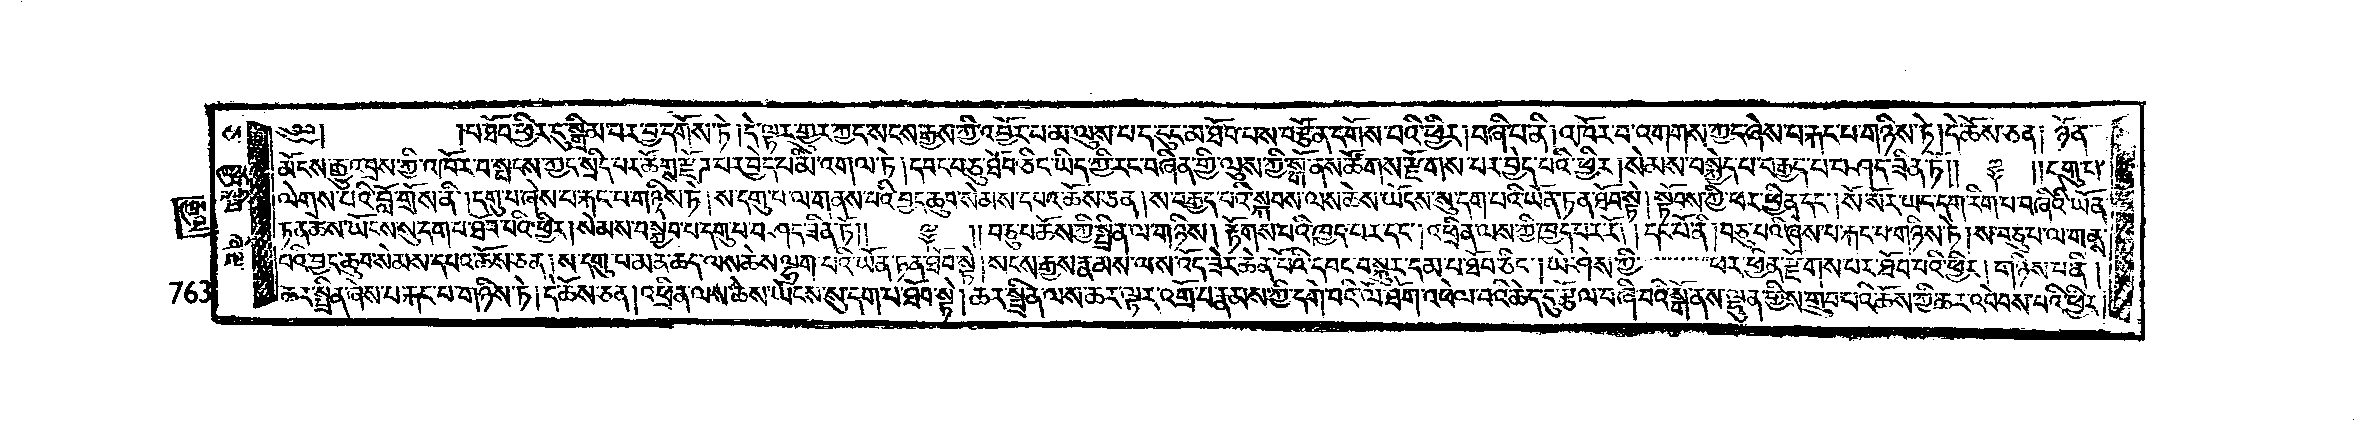༄༅། །པ་ཐོབ་ཕྱིར་དུ་སྒྲིམ་པར་བྱ་དགོས་ཏེ། དེ་ལྟར་གྱུར་ཀྱང་སངས་རྒྱས་ཀྱི་འབྱོར་པ་མ་ལུས་པ་ད་དུང་མ་ཐོབ་པས་བརྩོན་དགོས་པའི་ཕྱིར། བཞི་པ་ནི། འཁོར་བ་འགགས་ཀྱང་ཞེས་པ་རྐང་པ་གཉིས་ཏེ། དེ་ཆོས་ཅན། ཉོན་
མོངས་རྒྱུ་འབྲས་ཀྱི་འཁོར་བ་སྤངས་ཀྱང་སྲིད་པར་ཚོགས་རྫོགས་པར་བྱེད་པ་མི་འགལ་ཏེ། དབང་བཅུ་ཐོབ་ཅིང་ཡིད་ཀྱི་རང་བཞིན་གྱི་ལུས་ཀྱི་སྒོ་ནས་ཚོགས་རྫོགས་པར་བྱེད་པའི་ཕྱིར། སེམས་བསྐྱེད་པ་བརྒྱད་པ་བཤད་ཟིན་ཏོ།། ༈ །།དགུ་པ་
ལེགས་པའི་བློ་གྲོས་ནི། དགུ་པ་ཞེས་པ་རྐང་པ་གཉིས་ཏེ། ས་དགུ་པ་ལ་གནས་པའི་བྱང་ཆུབ་སེམས་དཔའ་ཆོས་ཅན། ས་བརྒྱད་པའི་སྐབས་ལས་ཆེས་ཡོངས་སུ་དག་པའི་ཡོན་ཏན་ཐོབ་སྟེ། སྟོབས་ཀྱི་ཕར་ཕྱིན་དང་། སོ་སོར་ཡང་དག་རིག་པ་བཞིའི་ཡོན་
ཏན་ཆེས་ཡོངས་སུ་དག་པ་ཐོབ་པའི་ཕྱིར། སེམས་བསྐྱེད་པ་དགུ་པ་བཤད་ཟིན་ཏོ།། ༈ །།བཅུ་པ་ཆོས་ཀྱི་སྤྲིན་ལ་གཉིས། རྟོགས་པའི་ཁྱད་པར་དང་། འཕྲིན་ལས་ཀྱི་ཁྱད་པར་རོ། །དང་པོ་ནི། བཅུ་པའི་ཞེས་པ་རྐང་པ་གཉིས་ཏེ། ས་བཅུ་པ་ལ་གནས་
པའི་བྱང་ཆུབ་སེམས་དཔའ་ཆོས་ཅན། ས་དགུ་པ་མན་ཆད་ལས་ཆེས་ལྷག་པའི་ཡོན་ཏན་ཐོབ་སྟེ། སངས་རྒྱས་རྣམས་ལས་འོད་ཟེར་ཆེན་པོའི་དབང་བསྐུར་དམ་པ་ཐོབ་ཅིང་། ཡེ་ཤེས་ཀྱི་ཕར་ཕྱིན་རྫོགས་པར་ཐོབ་པའི་ཕྱིར། གཉིས་པ་ནི།
ཆར་སྤྲིན་ཞེས་པ་རྐང་པ་གཉིས་ཏེ། དེ་ཆོས་ཅན། འཕྲིན་ལས་ཆེས་ཡོངས་སུ་དག་པ་ཐོབ་སྟེ། ཆར་སྤྲིན་ལས་ཆར་ལྟར་འགྲོ་བ་རྣམས་ཀྱི་དགེ་བའི་ལོ་ཐོག་འཕེལ་བའི་ཆེད་དུ་རྩོལ་བཞི་པའི་སྒོ་ནས་ལྷུན་གྱིས་གྲུབ་པའི་ཆོས་ཀྱི་ཆར་འབེབས་པའི་ཕྱིར།